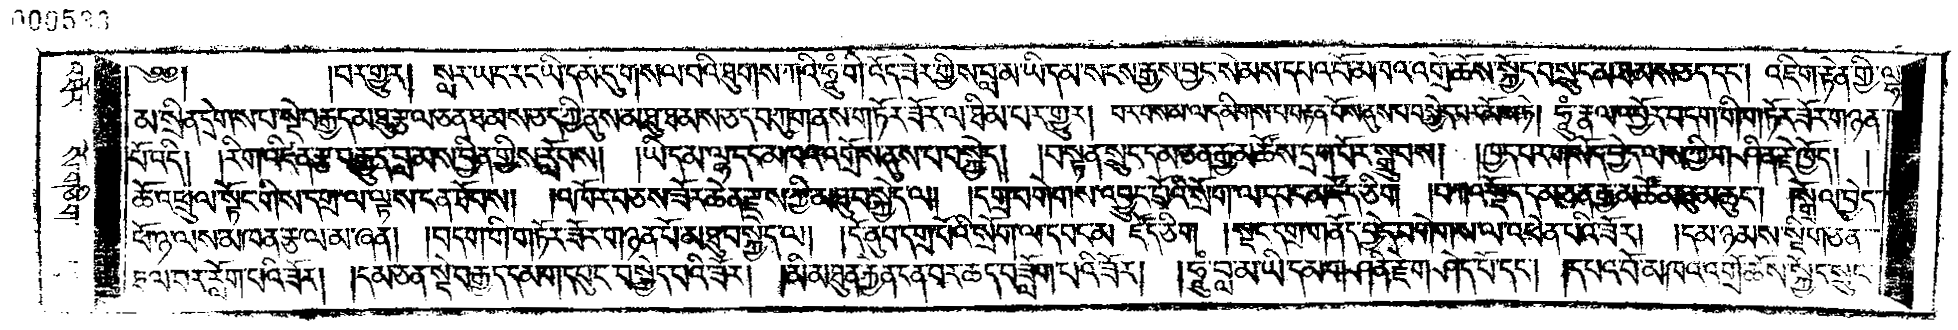༄༅། །པར་གྱུར། སླར་ཡང་རང་ཡི་དམ་དུ་གསལ་བའི་ཐུགས་ཀའི་ཧཱུཾ་གི་འོད་ཟེར་གྱིས་བླ་མ་ཡི་དམ་སངས་རྒྱས་བྱང་སེམས་དཔའ་བོ་མཁའ་འགྲོ་ཆོས་སྐྱོང་བསྲུང་མ་ཐམས་ཅད་དང་། འཇིག་རྟེན་གྱི་ལྷ་
མ་སྲིན་དྲེགས་པ་སྡེ་བརྒྱད་མཐུ་རྩལ་ཅན་ཐམས་ཅད་ཀྱི་ནུས་མཐུ་ཐམས་ཅད་བཀུག་ནས་གཏོར་ཟོར་ལ་ཐིམ་པར་གྱུར། པར་བསམ་ལ་དམིགས་པ་བརྟན་པོས་ནུས་པ་བསྐྱེད་པར་མོས་ཏེ།  ཧཱུཾ་རྣལ་འབྱོར་བདག་གི་གཏོར་ཟོར་གཉན་
པོ་འདི། །རིག་འཛིན་རྩ་བརྒྱུད་བླ་མས་བྱིན་གྱིས་རློབས། །ཡི་དམ་ལྷ་དང་མཁའ་འགྲོས་ནུས་པ་བསྐྱེད། །བསྟན་སྲུང་དམ་ཅན་རྒྱ་མཚོས་དྲག་པོར་སྒྲུབས། །ཁྱད་པར་གསོད་བྱེད་ལས་ཀྱི་གཤིན་རྗེ་ཁྱོད། །
ཆོ་འཕྲུལ་སྟོང་གིས་དགྲ་ལ་ལྟས་ངན་ཐོབས། །འཁོར་བཅས་ཟོར་ཆེན་རྫས་ཀྱི་མཐུ་བསྐྱེད་ལ། །དགྲ་བགེགས་འབྱུང་པོའི་སྲོག་ལ་དབང་མཛོད་ཅིག །བཀའ་སྡོད་དམ་ཅན་རྒྱ་མཚོ་མཐུ་མ་ཆུང་། །སྒྲོལ་བྱེད་
ཕོ་ཉ་ལས་མཁན་རྩལ་མ་ཞན། །བདག་གི་གཏོར་ཟོར་གཉན་པོ་མཐུ་བསྐྱེད་ལ། །དོ་ནུབ་དགྲ་བོའི་སྲོག་ལ་དབང་མཛོད་ཅིག །སྡང་དགྲ་གནོད་བྱེད་བགེགས་ལ་འཕེན་པའི་ཟོར། །དམ་ཉམས་སྡིག་ཅན་
ཐལ་བར་རློག་པའི་ཟོར། །དམ་ཅན་སྡེ་བརྒྱད་དམག་དཔུང་བསྐྱེད་པའི་ཟོར། །མི་མཐུན་རྐྱེན་ངན་བར་ཆད་བཟློག་པའི་ཟོར། །ཧཱུཾ་བླ་མ་ཡི་དམ་གཤིན་རྗེ་གཤེད་པོ་དང་། །དཔའ་བོ་མཁའ་འགྲོ་ཆོས་སྐྱོང་སྲུང་